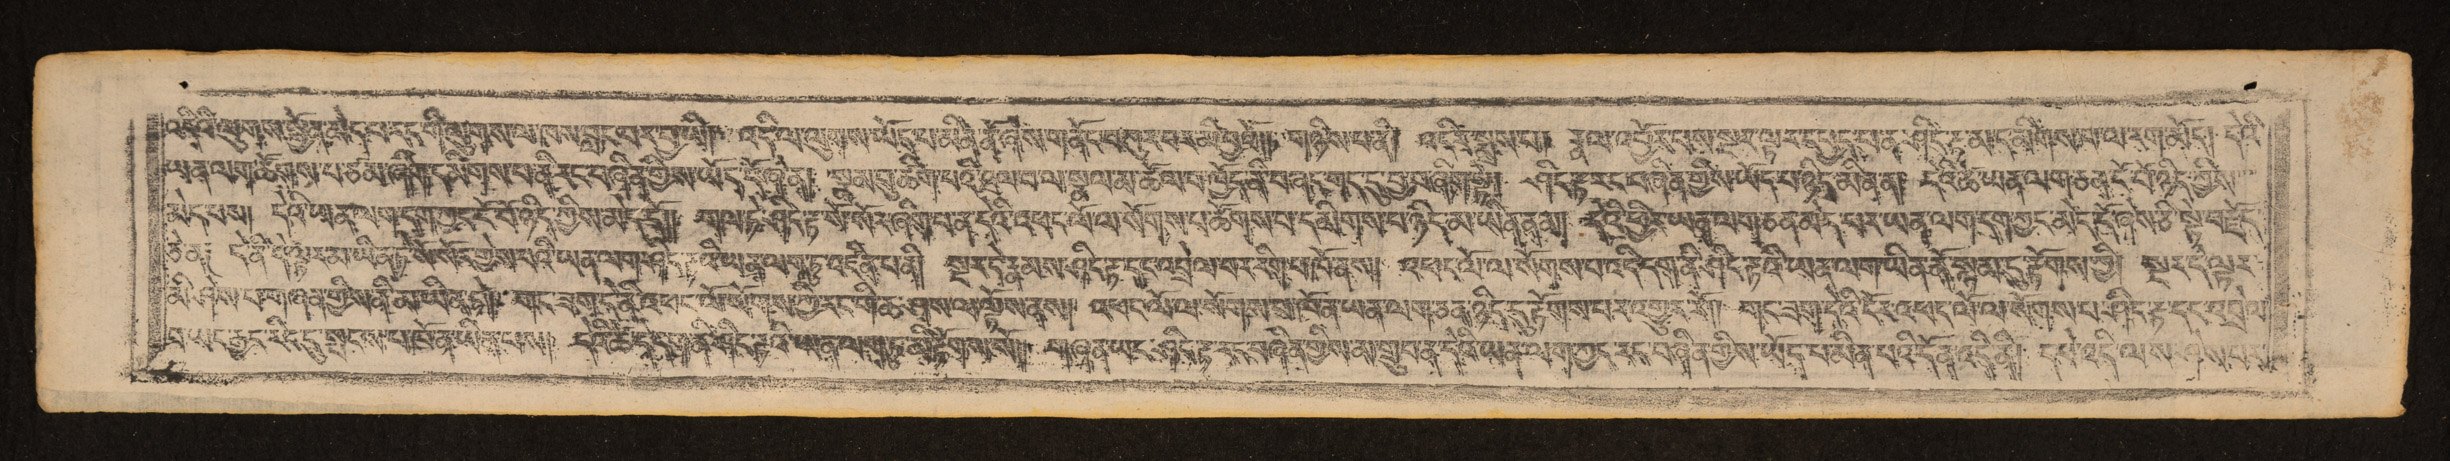འདིའི་ལུགས་སྐྱོན་མེད་པ་རང་གི་ལུགས་ལ་ཁས་བླང་བར་བྱ་ཡི། འདི་ལ་ལུགས་ཡོད་པ་མིན་ནོ་ཞེས་གནོད་བཀུར་བར་མི་བྱའོ།། གཉིས་པ་ནི། འདིར་སྨྲས་པ། རྣལ་འབྱོར་པས་སྔར་ལྟར་དཔྱད་པ་ན་ཤིང་རྟ་མ་དམིགས་པ་ལ་རག་མོད། དེའི་
ཡན་ལག་ཚོགས་པ་ཙམ་ཞིག་དམིགས་པ་ནི་རང་བཞིན་གྱིས་ཡོད་དོ་ཞེ་ན། སྣམ་བུ་ཚིག་པའི་ཐལ་བ་ལ་སྣལ་མ་ཚོལ་བ་ཁྱོད་ནི་བཞད་གད་དུ་བྱ་བ་ཞིག་སྟེ། ཤིང་རྟ་རང་བཞིན་གྱིས་ཡོད་པ་ཉིད་མིན་ན། དེའི་ཚེ་ཡན་ལག་ཅན་ངོ་བོ་ཉིད་ཀྱིས་
མེད་པས། དེའི་ཡན་ལག་དག་ཀྱང་ངོ་བོ་ཉིད་ཀྱིས་མེད་དོ།། གལ་ཏེ་ཤིང་རྟ་སོ་སོར་ཞིག་པ་ན་དེའི་འཕང་ལོ་ལ་སོགས་པ་ཚོགས་པ་དམིགས་པ་ཉིད་མ་ཡིན་ནམ། དེའི་ཕྱིར་ཡན་ལག་ཅན་མེད་པར་ཡན་ལག་དག་ཀྱང་མེད་དོ་ཞེས་ཅི་སྟེ་བརྗོད་
ཅེ་ན། དེ་ནི་དེ་ལྟར་མ་ཡིན་ཏེ་སོ་སོར་གྱེས་པའི་ཡན་ལག་ཤིང་རྟའི་ཡན་ལག་ཏུ་འཛིན་པ་ནི། སྔར་དེ་རྣམས་ཤིང་རྟ་དང་འབྲེལ་བར་རིག་པ་ཁོ་ནས། འཕང་ལོ་ལ་སོགས་པ་འདི་དག་ནི་ཤིང་རྟའི་ཡན་ལག་ཡིན་ནོ་སྙམ་དུ་རྟོགས་ཀྱི། སྔར་དེ་ལྟར་
མི་ཤེས་པ་གཞན་གྱིས་ནི་མ་ཡིན་ཏེ། གང་ཟག་དེ་ནི་འཕང་ལོ་སོགས་ཀྱི་རང་གི་ཆ་ཤས་ལ་ལྟོས་ནས། འཕང་ལོ་ལ་སོགས་པ་ཁོ་ན་ཡན་ལག་ཅན་ཉིད་དུ་རྟོགས་པར་འགྱུར་རོ།། གང་ཟག་དེའི་ངོར་འཕང་ལོ་ལ་སོགས་པ་ཤིང་རྟ་དང་འབྲེལ་
བ་ཡང་རྒྱང་རིང་དུ་སྤངས་པ་ཁོ་ན་ཡིན་པས། དེའི་ཚེ་དེ་དག་ནི་ཤིང་རྟའི་ཡན་ལག་ཏུ་མི་རྟོགས་སོ།། གཞན་ཡང་ཤིང་རྟ་རང་བཞིན་གྱིས་མ་གྲུབ་ན་དེའི་ཡན་ལག་ཀྱང་རང་བཞིན་གྱིས་ཡོད་པ་མིན་པའི་དོན་འདི་ནི། དཔེ་འདི་ལས་ཤེས་པར་